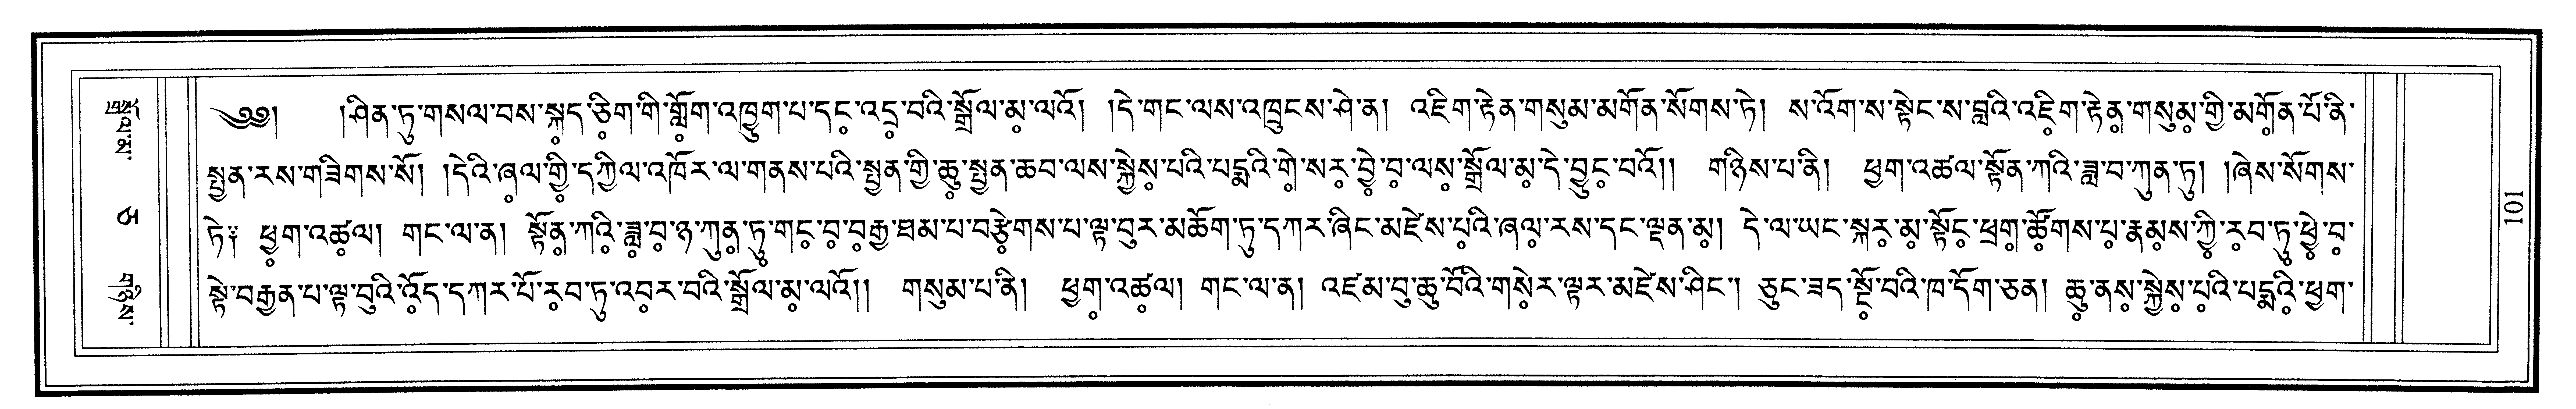༄༅། །ཤིན་ཏུ་གསལ་བས་སྐད་ཅིག་གི་གློག་འཁྱུག་པ་དང་འདྲ་བའི་སྒྲོལ་མ་ལའོ། །དེ་གང་ལས་འཁྲུངས་ཤེ་ན། འཇིག་རྟེན་གསུམ་མགོན་སོགས་ཏེ། ས་འོག་ས་སྟེང་ས་བླའི་འཇིག་རྟེན་གསུམ་གྱི་མགོན་པོ་ནི་
སྤྱན་རས་གཟིགས་སོ། །དེའི་ཞལ་གྱི་དཀྱིལ་འཁོར་ལ་གནས་པའི་སྤྱན་གྱི་ཆུ་སྤྱན་ཆབ་ལས་སྐྱེས་པའི་པདམའི་གེ་སར་བྱེ་བ་ལས་སྒྲོལ་མ་དེ་བྱུང་བའོ།། གཉིས་པ་ནི། ཕྱག་འཚལ་སྟོན་ཀའི་ཟླ་བ་ཀུན་ཏུ། །ཞེས་སོགས་
ཏེ༑ ཕྱག་འཚལ། གང་ལ་ན། སྟོན་ཀའི་ཟླ་བ་ཉ་ཀུན་ཏུ་གང་བ་བརྒྱ་ཐམ་པ་བརྩེགས་པ་ལྟ་བུར་མཆོག་ཏུ་དཀར་ཞིང་མཛེས་པའི་ཞལ་རས་དང་ལྡན་མ། དེ་ལ་ཡང་སྐར་མ་སྟོང་ཕྲག་ཚོགས་པ་རྣམས་ཀྱི་རབ་ཏུ་ཕྱེ་བ་
སྟེ་བརྒྱན་པ་ལྟ་བུའི་འོད་དཀར་པོ་རབ་ཏུ་འབར་བའི་སྒྲོལ་མ་ལའོ།། གསུམ་པ་པ་ནི། ཕྱག་འཚལ། གང་ལ་ན། འཛམ་བུ་ཆུ་བོའི་གསེར་ལྟར་མཛེས་ཤིང་། ཅུང་ཟད་སྔོ་བའི་ཁ་དོག་ཅན། ཆུ་ནས་སྐྱེས་པའི་པདམའི་ཕྱག་